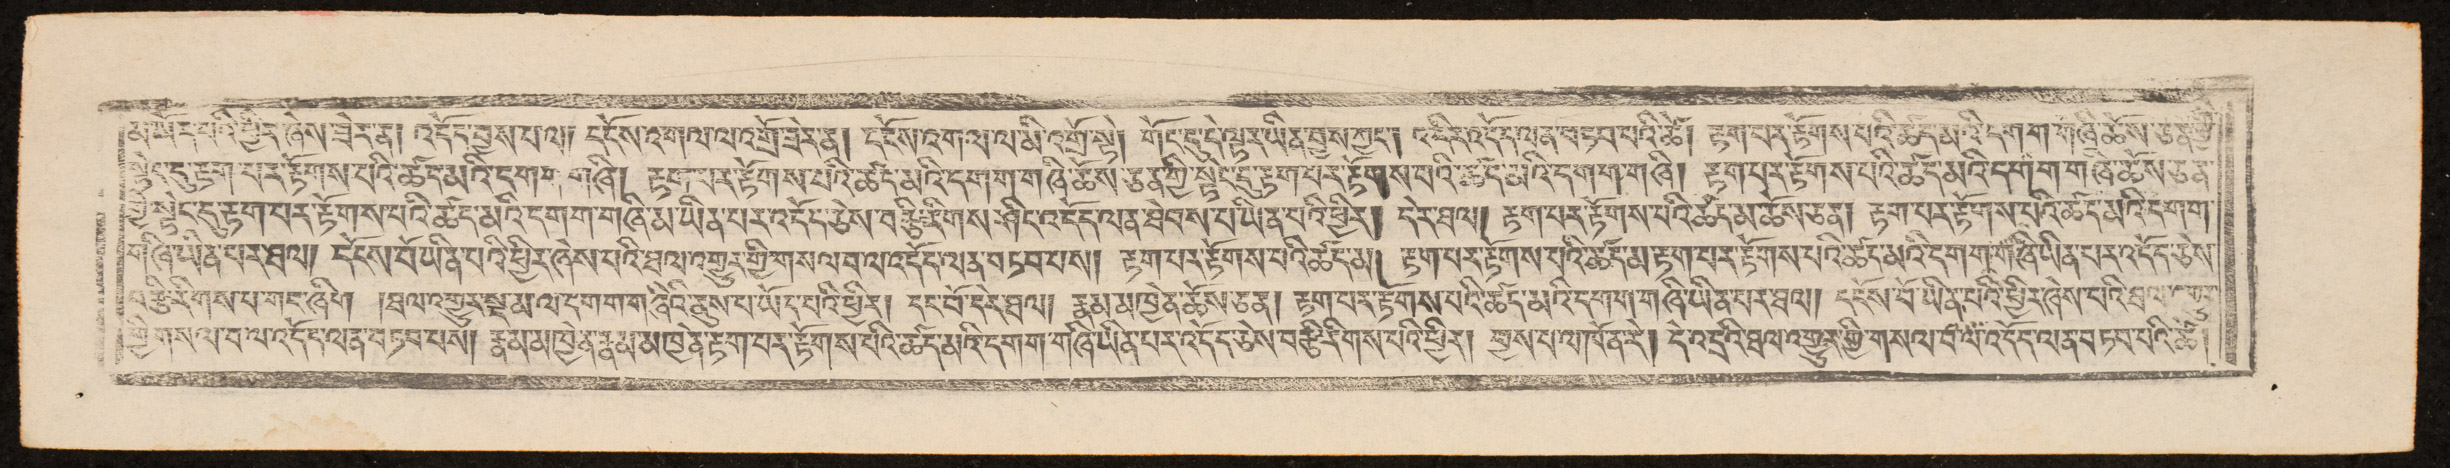མ་ཡོད་པའི་ཕྱིར་ཞེས་ཟེར་ན། འདོད་བྱས་པ་ལ། དངོས་འགལ་ལ་འགྲོ་ཟེར་ན། དངོས་འགལ་ལ་མི་འགྲོ་སྟེ། གོང་དུ་དེ་ལྟར་ཡིན་བྱས་ཀྱང་། འདིར་འདོད་ལན་བཏབ་པའི་ཚེ། རྟག་པར་རྟོགས་པའི་ཚད་མའི་དགག་གཞི་ཆོས་ཅན་གྱི་
སྟེང་དུ་རྟག་པར་རྟོགས་པའི་ཚད་མའི་དགག་གཞི། རྟག་པར་རྟོགས་པའི་ཚད་མའི་དགག་གཞི་ཆོས་ཅན་
གྱི་སྟེང་དུ་རྟག་པར་རྟོགས་པའི་ཚད་མའི་དགག་གཞི་མ་ཡིན་པར་འདོད་ཅེས་བརྩི་རིགས་ཤིང་འདོད་ལན་ཐེབས་པ་ཡིན་པའི་ཕྱིར། དེར་ཐལ། རྟག་པར་རྟོགས་པའི་ཚད་མ་ཆོས་ཅན། རྟག་པར་རྟོགས་པའི་ཚད་མའི་དགག་
གཞི་ཡིན་པར་ཐལ། དངོས་པོ་ཡིན་པའི་ཕྱིར་ཞེས་པའི་ཐལ་འགྱུར་གྱི་གསལ་བ་ལ་འདོད་ལན་བཏབ་པས། རྟག་པར་རྟོགས་པའི་ཚད་མ། རྟག་པར་རྟོགས་པའི་ཚད་མ་རྟག་པར་རྟོགས་པའི་ཚད་མའི་དགག་གཞི་ཡིན་པར་འདོད་ཅེས་
བརྩི་རིགས་པ་གང་ཞིག །ཐལ་འགྱུར་སྔ་མ་ལ་དགག་གཞིའི་ནུས་པ་ཡོད་པའི་ཕྱིར། དང་པོ་དེར་ཐལ། རྣམ་མཁྱེན་ཆོས་ཅན། རྟག་པར་རྟོགས་པའི་ཚད་མའི་དགག་གཞི་ཡིན་པར་ཐལ། དངོས་པོ་ཡིན་པའི་ཕྱིར་ཞེས་པའི་ཐལ་འགྱུར་
གྱི་གསལ་བ་ལ་འདོད་ལན་བཏབ་པས། རྣམ་མཁྱེན་རྣམ་མཁྱེན་རྟག་པར་རྟོགས་པའི་ཚད་མའི་དགག་གཞི་ཡིན་པར་འདོད་ཅེས་བརྩི་རིགས་པའི་ཕྱིར། བྱས་པ་ལ་ཁོ་ན་རེ། དེ་འདྲའི་ཐལ་འགྱུར་གྱི་གསལ་བ་ལ་འདོད་ལན་བཏབ་པའི་ཚེ།